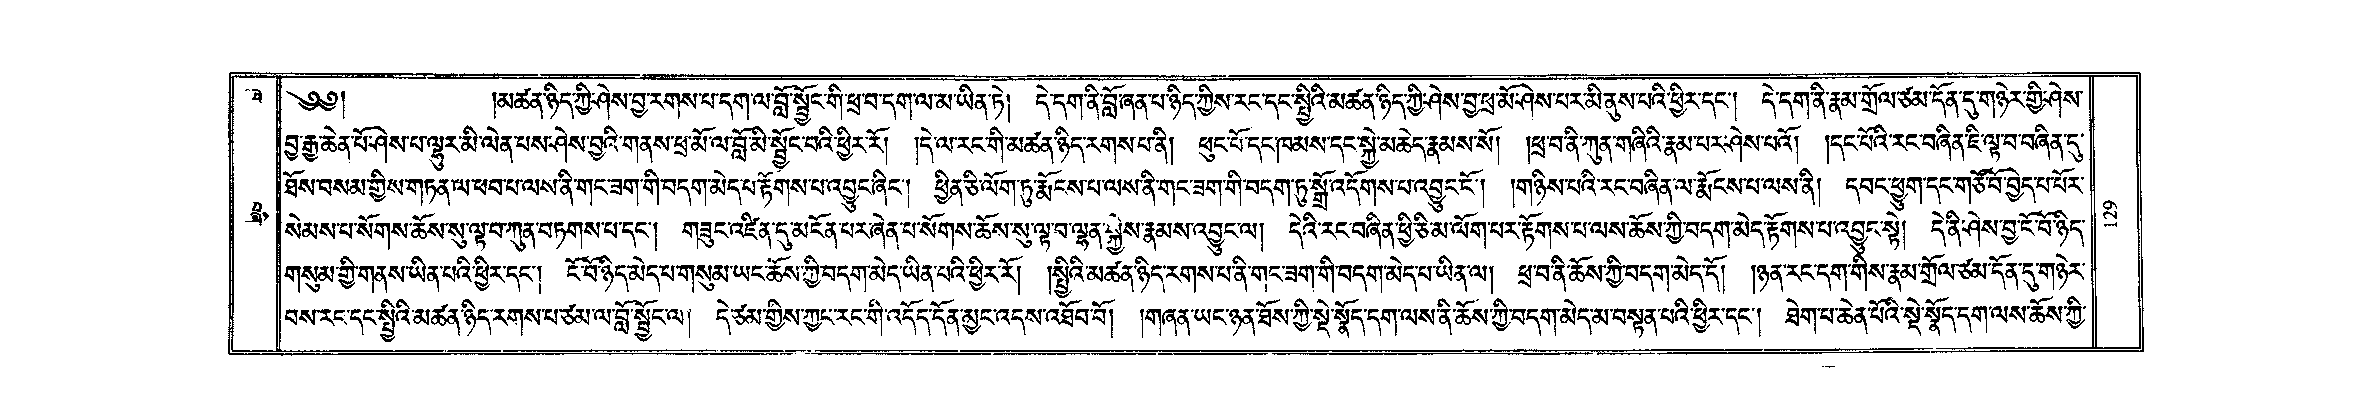༄༅། །མཚན་ཉིད་ཀྱི་ཤེས་བྱ་རགས་པ་དག་ལ་བློ་སྦྱོང་གི་ཕྲ་བ་དག་ལ་མ་ཡིན་ཏེ། དེ་དག་ནི་བློ་ཞན་པ་ཉིད་ཀྱིས་རང་དང་སྤྱིའི་མཚན་ཉིད་ཀྱི་ཤེས་བྱ་ཕྲ་མོ་ཤེས་པར་མི་ནུས་པའི་ཕྱིར་དང་། དེ་དག་ནི་རྣམ་གྲོལ་ཙམ་དོན་དུ་གཉེར་གྱི་ཤེས་
བྱ་རྒྱ་ཆེན་པོ་ཤེས་པ་ལྷུར་མི་ལེན་པས་ཤེས་བྱའི་གནས་ཕྲ་མོ་ལ་བློ་མི་སྦྱོང་བའི་ཕྱིར་རོ། །དེ་ལ་རང་གི་མཚན་ཉིད་རགས་པ་ནི། ཕུང་པོ་དང་ཁམས་དང་སྐྱེ་མཆེད་རྣམས་སོ། །ཕྲ་བ་ནི་ཀུན་གཞིའི་རྣམ་པར་ཤེས་པའོ། །དང་པོའི་རང་བཞིན་ཇི་ལྟ་བ་བཞིན་དུ་
ཐོས་བསམ་གྱིས་གཏན་ལ་ཕབ་པ་ལས་ནི་གང་ཟག་གི་བདག་མེད་པ་རྟོགས་པ་འབྱུང་ཞིང་། ཕྱིན་ཅི་ལོག་ཏུ་རྨོངས་པ་ལས་ནི་གང་ཟག་གི་བདག་ཏུ་སྒྲོ་འདོགས་པ་འབྱུང་ངོ། །གཉིས་པའི་རང་བཞིན་ལ་རྨོངས་པ་ལས་ནི། དབང་ཕྱུག་དང་གཙོ་བོ་བྱེད་པ་པོར་
སེམས་པ་སོགས་ཆོས་སུ་ལྟ་བ་ཀུན་བཏགས་པ་དང་། གཟུང་འཛིན་དུ་མངོན་པར་ཞེན་པ་སོགས་ཆོས་སུ་ལྟ་བ་ལྷན་སྐྱེས་རྣམས་འབྱུང་ལ། དེའི་རང་བཞིན་ཕྱི་ཅི་མ་ལོག་པར་རྟོགས་པ་ལས་ཆོས་ཀྱི་བདག་མེད་རྟོགས་པ་འབྱུང་སྟེ། དེ་ནི་ཤེས་བྱ་ངོ་བོ་ཉིད་
གསུམ་གྱི་གནས་ཡིན་པའི་ཕྱིར་དང་། ངོ་བོ་ཉིད་མེད་པ་གསུམ་ཡང་ཆོས་ཀྱི་བདག་མེད་ཡིན་པའི་ཕྱིར་རོ། །སྤྱིའི་མཚན་ཉིད་རགས་པ་ནི་གང་ཟག་གི་བདག་མེད་པ་ཡིན་ལ། ཕྲ་བ་ནི་ཆོས་ཀྱི་བདག་མེད་དོ། །ཉན་རང་དག་གིས་རྣམ་གྲོལ་ཙམ་དོན་དུ་གཉེར་
བས་རང་དང་སྤྱིའི་མཚན་ཉིད་རགས་པ་ཙམ་ལ་བློ་སྦྱོང་ལ། དེ་ཙམ་གྱིས་ཀྱང་རང་གི་འདོད་དོན་མྱང་འདས་འཐོབ་བོ། །གཞན་ཡང་ཉན་ཐོས་ཀྱི་སྡེ་སྣོད་དག་ལས་ནི་ཆོས་ཀྱི་བདག་མེད་མ་བསྟན་པའི་ཕྱིར་དང་། ཐེག་པ་ཆེན་པོའི་སྡེ་སྣོད་དག་ལས་ཆོས་ཀྱི་